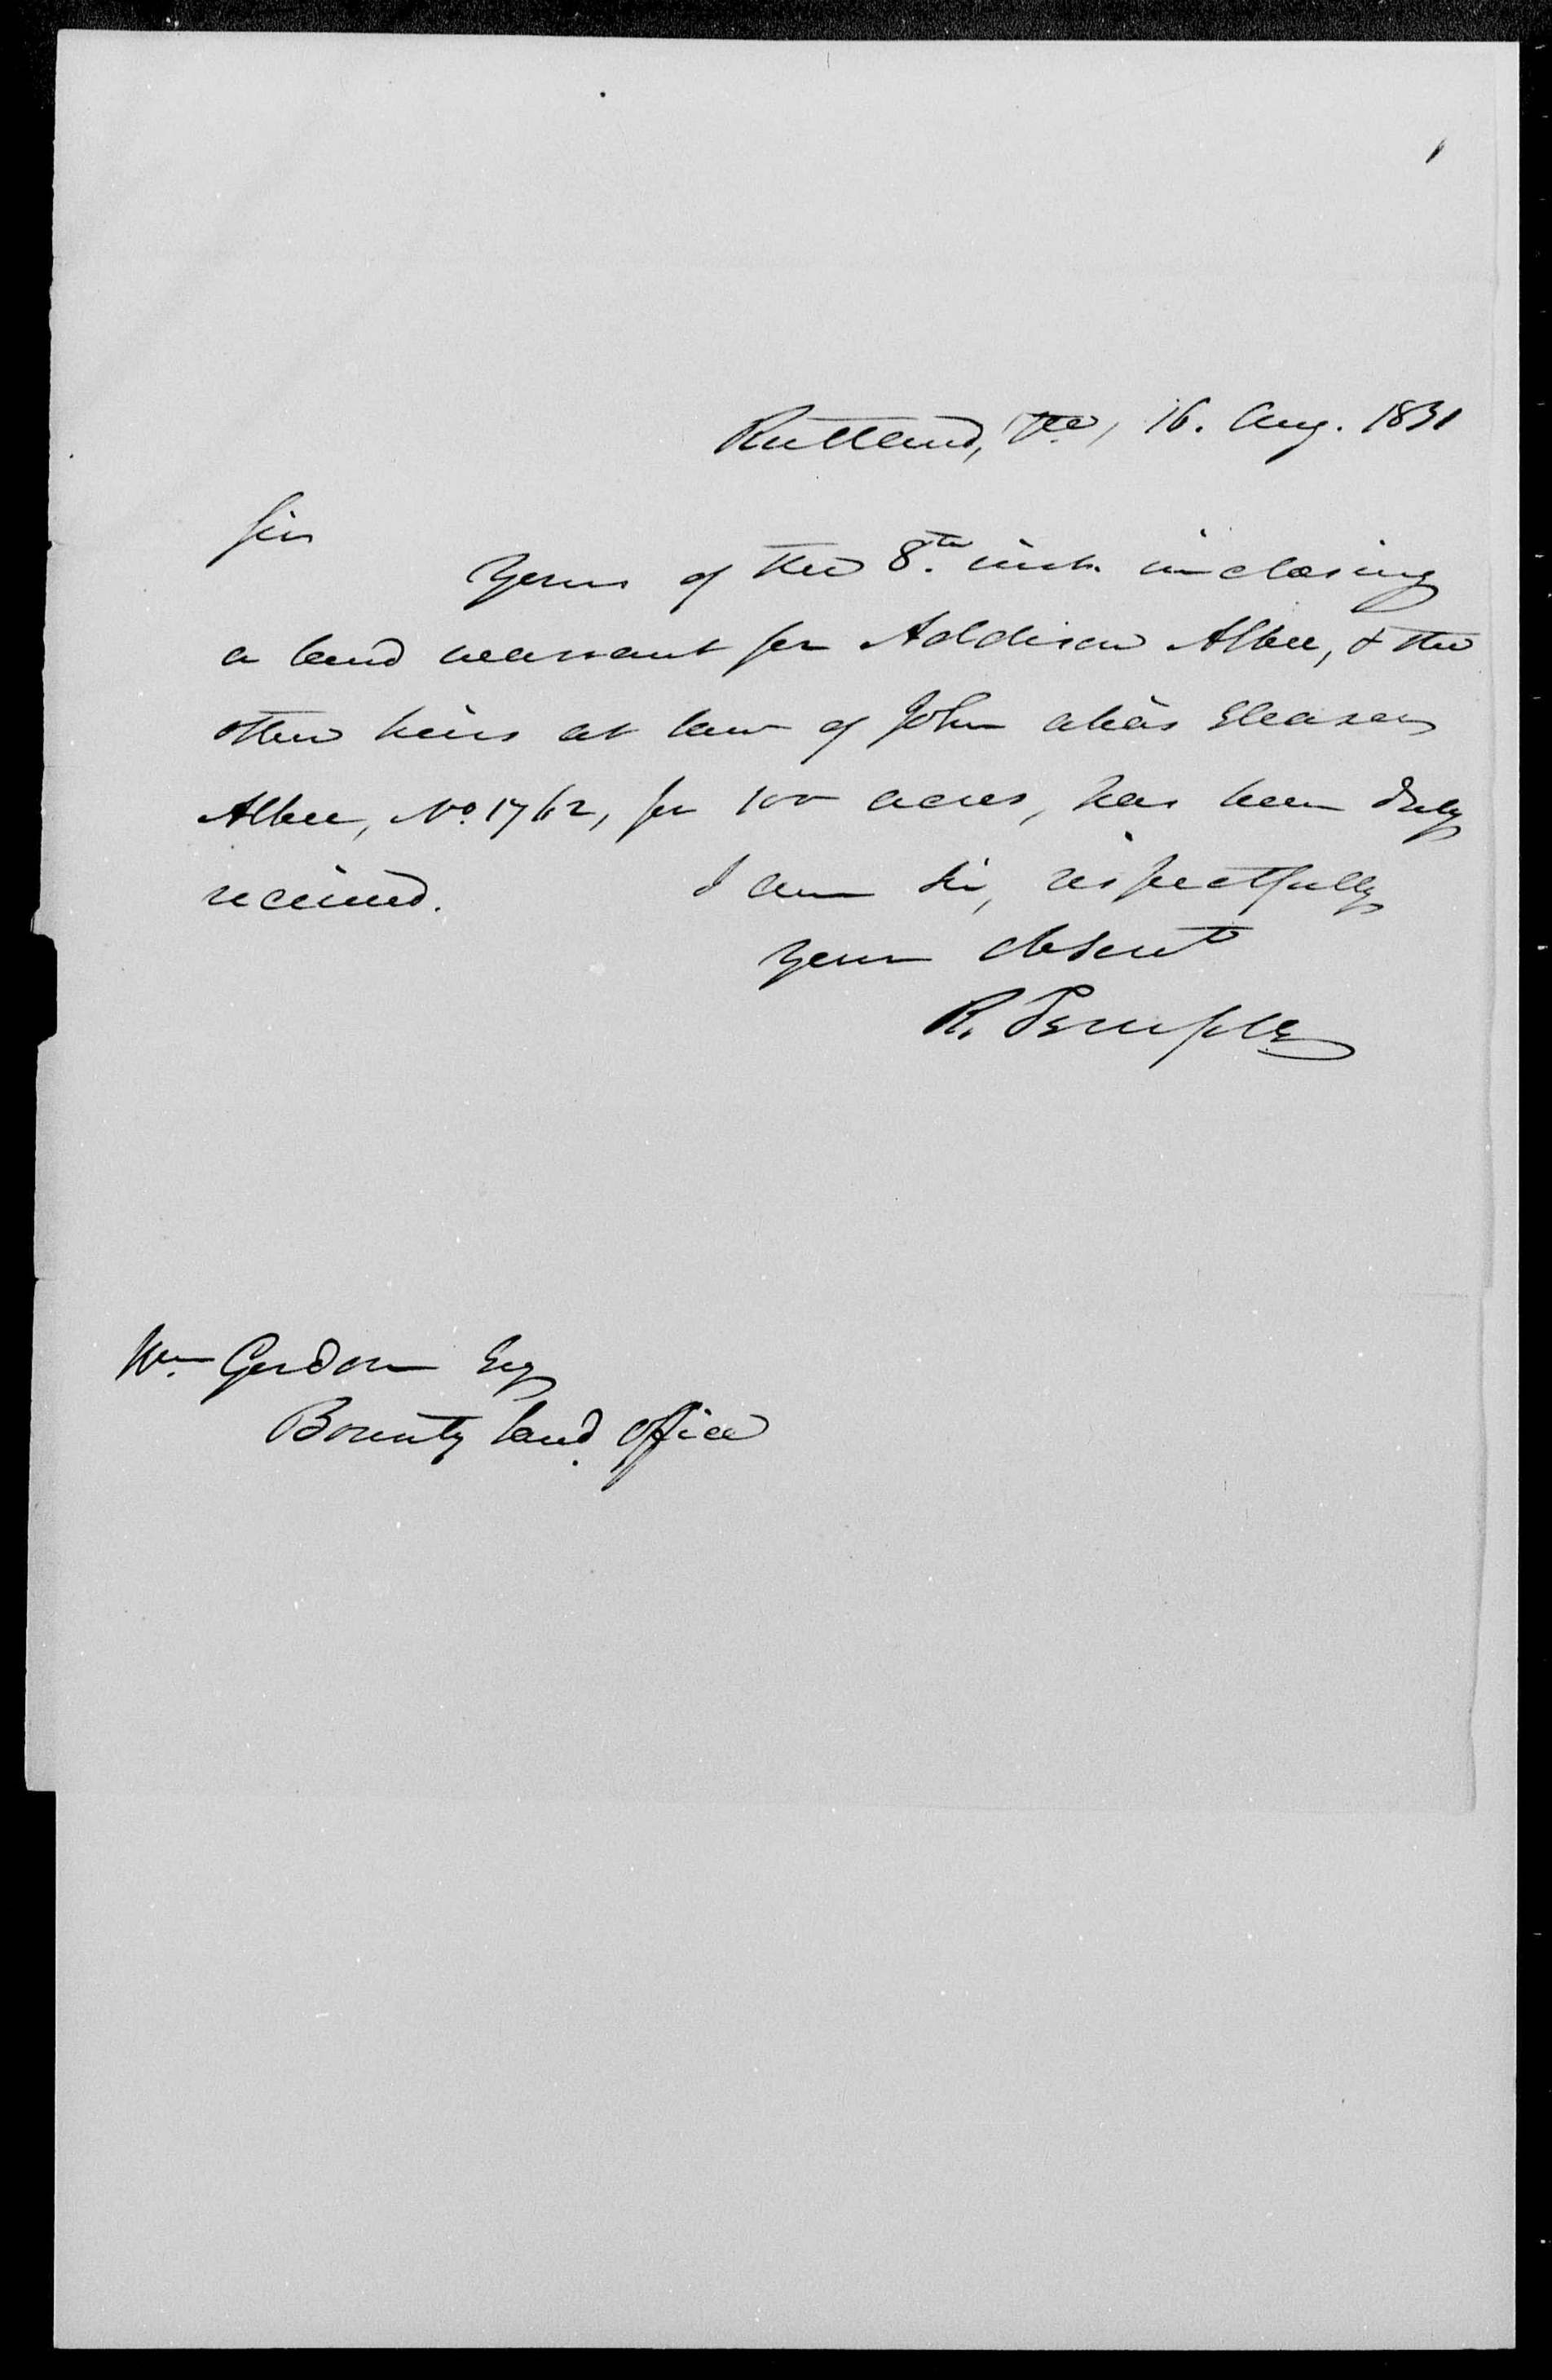Rutland, Vermont  16 Aug. 1831

Sir:

? of the 8th inst. enclosing a land warrant for Addison Albee and the other heirs as law of John alias Eleazer Albee, No. 1762, for 100 acres, has been duly received.

I am respectfully
your obedient servant,

R. Temple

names: John, Eleazer Albee, Addison Albee, R Temple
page: 11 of 29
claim: survivor's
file: S 41404, Eleazer John Albee, Mass. Privateer